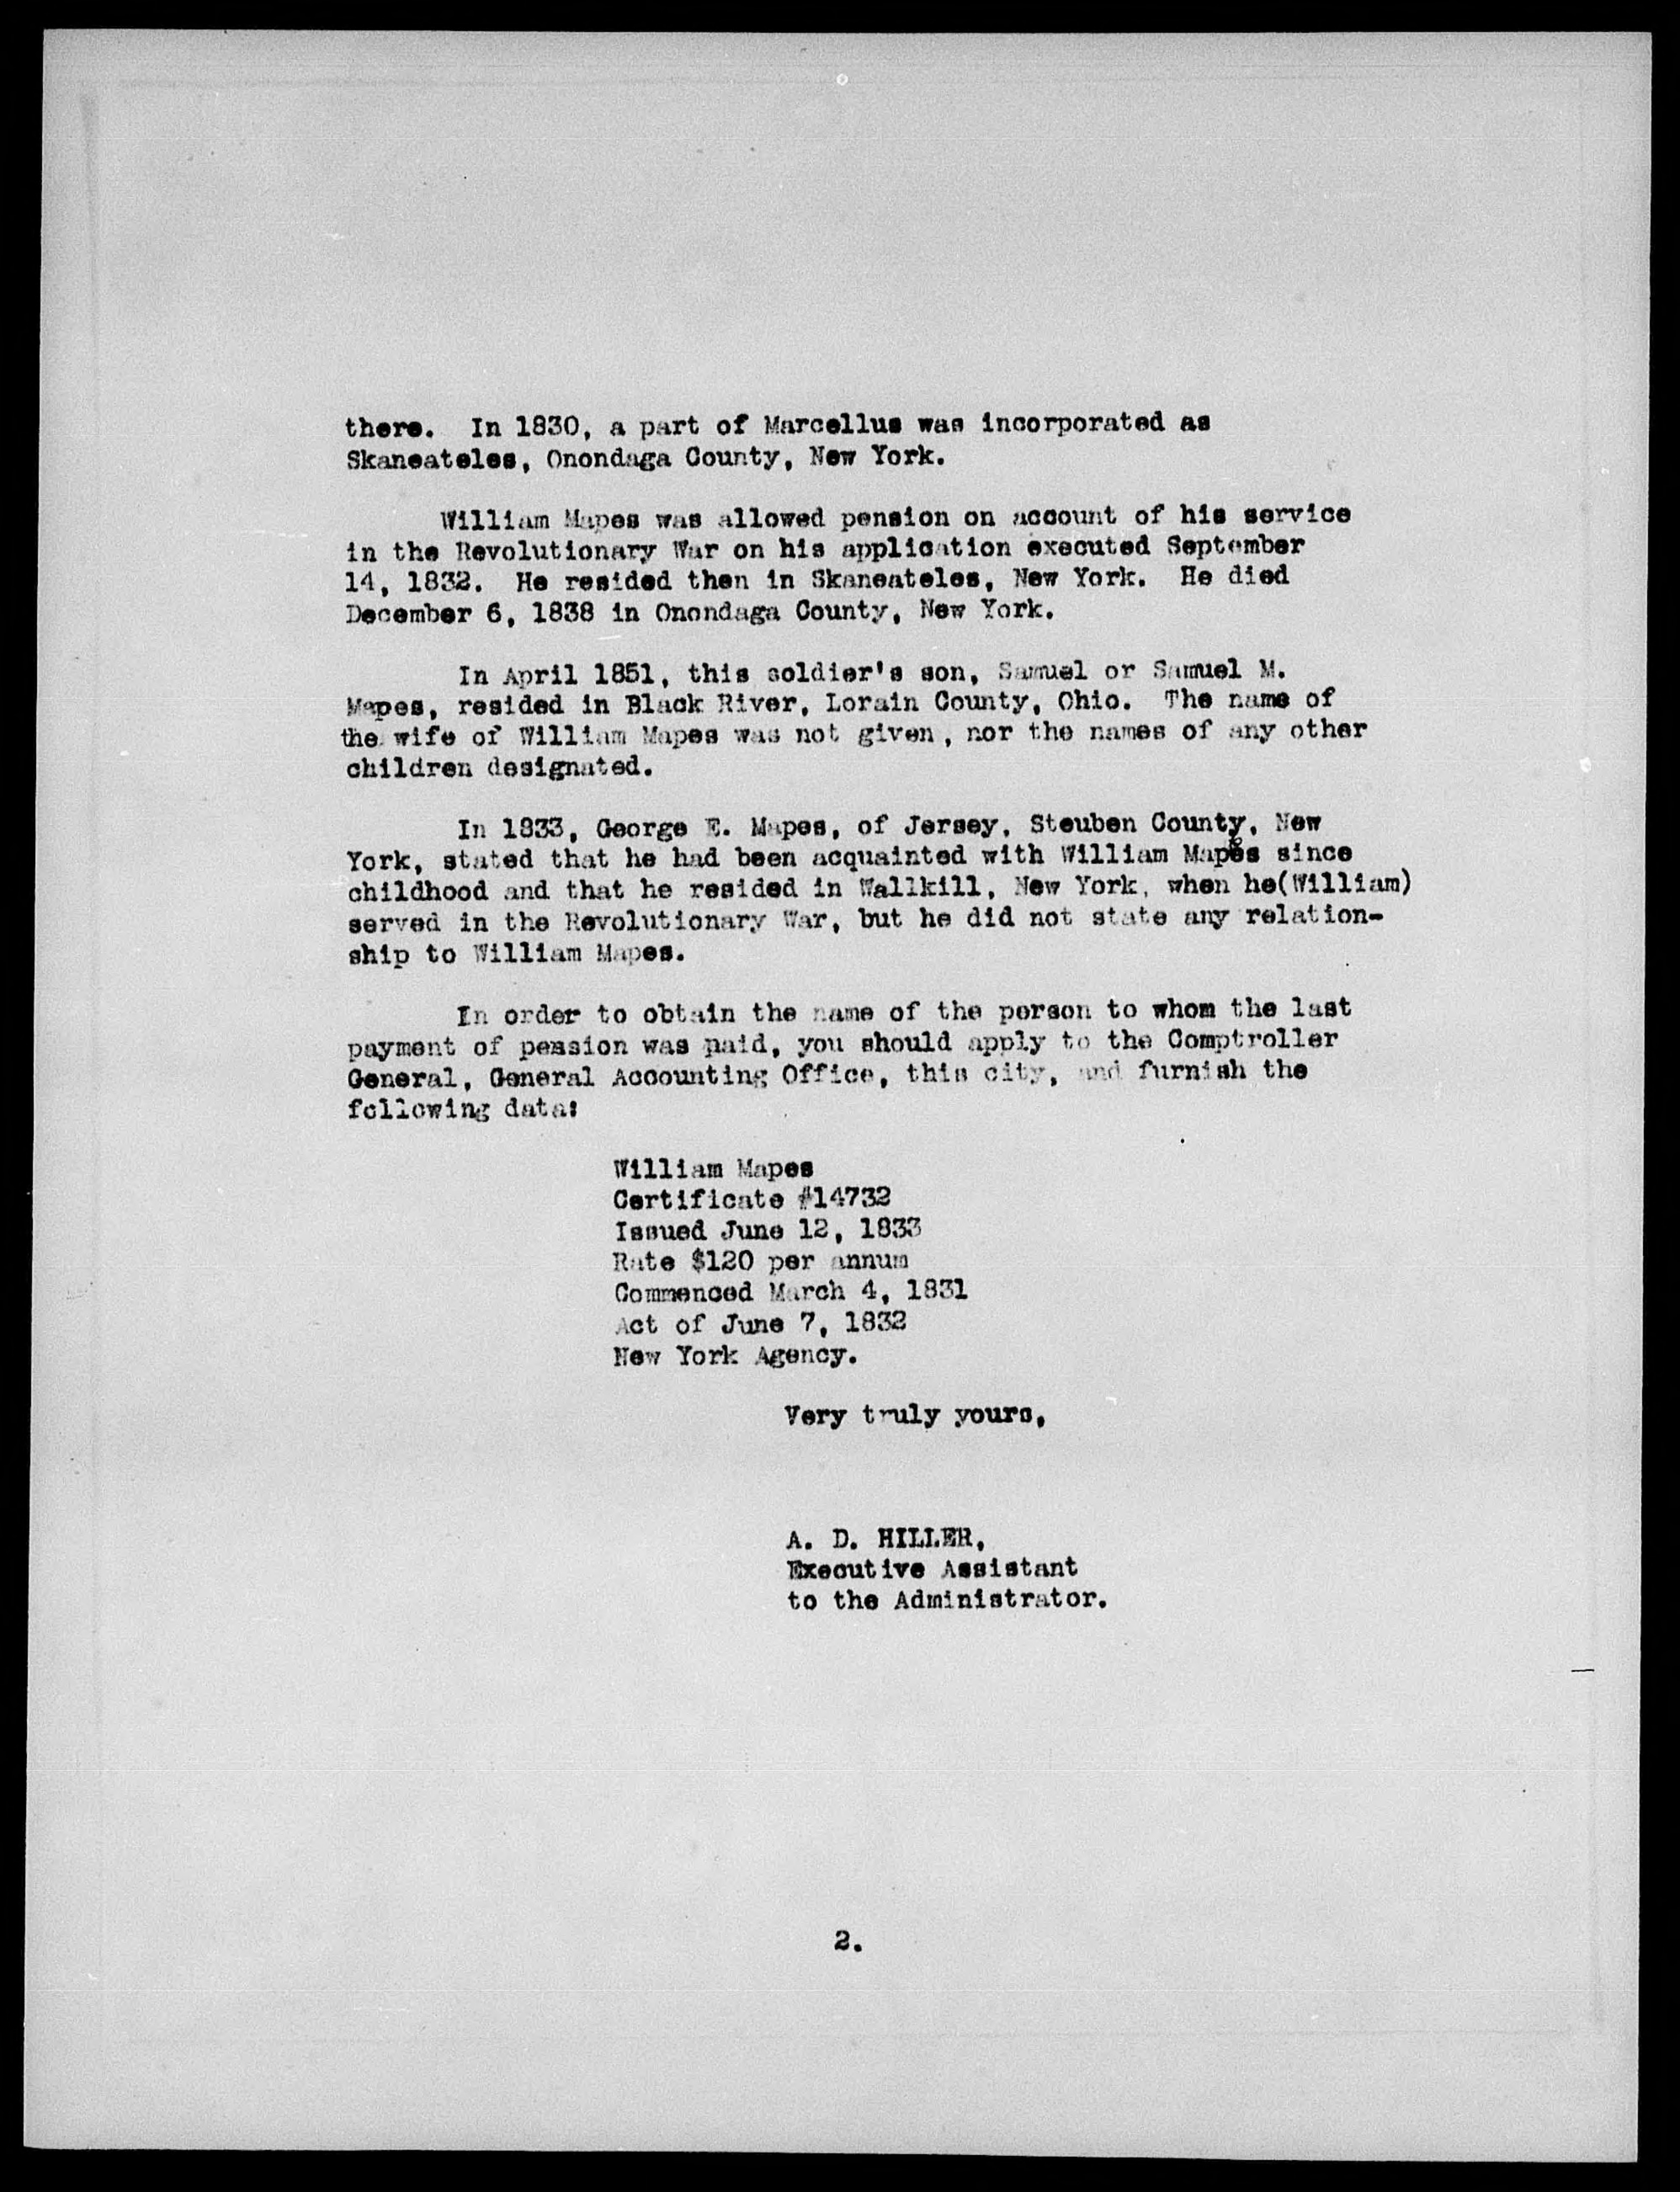there. In 1830, a part of Marcellus was incorporated as Skaneateles, Onondaga County, New York. 

William Mapes was allowed pension on account of his service in the Revolutionary War on his application executed September 14, 1832. He resided then in Skaneateles, New York. He died December 6, 1838 in Onondaga County, New York. 

In April 1851, this soldier's son, Samuel or Samuel M. Mapes, resided in Black River, Lorain County, Ohio. The name of the wife of William Mapes was not given, nor the names of any other children designated. 

In 1833, George E. Mapes of Jersey, Steuben County, New York , stated that he had been acquainted with William Mapes since childhood and that he resided in Wallkill, New York, when he (William) served in the Revolutionary War, but he did not state any relation ship to William Mapes. 

In order to obtain the name of the person to whom the last payment of pension was paid, you should apply to the Comptroller General, General Accounting Office, this city, and furnish the following data: 

William Mapes 
Certificate #14732 
Issued June 12, 1833 
Rate $20 per annum 
Commenced March 4, 1831 
Act of June 7, 1832 
New York Agency. 

Very truly yours, 

A. D. HILLER, 
Executive Assistant
 to the Administrator. 


2.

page: 21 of 30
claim: survivor's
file: S. 13,873, for William Mapes, New York